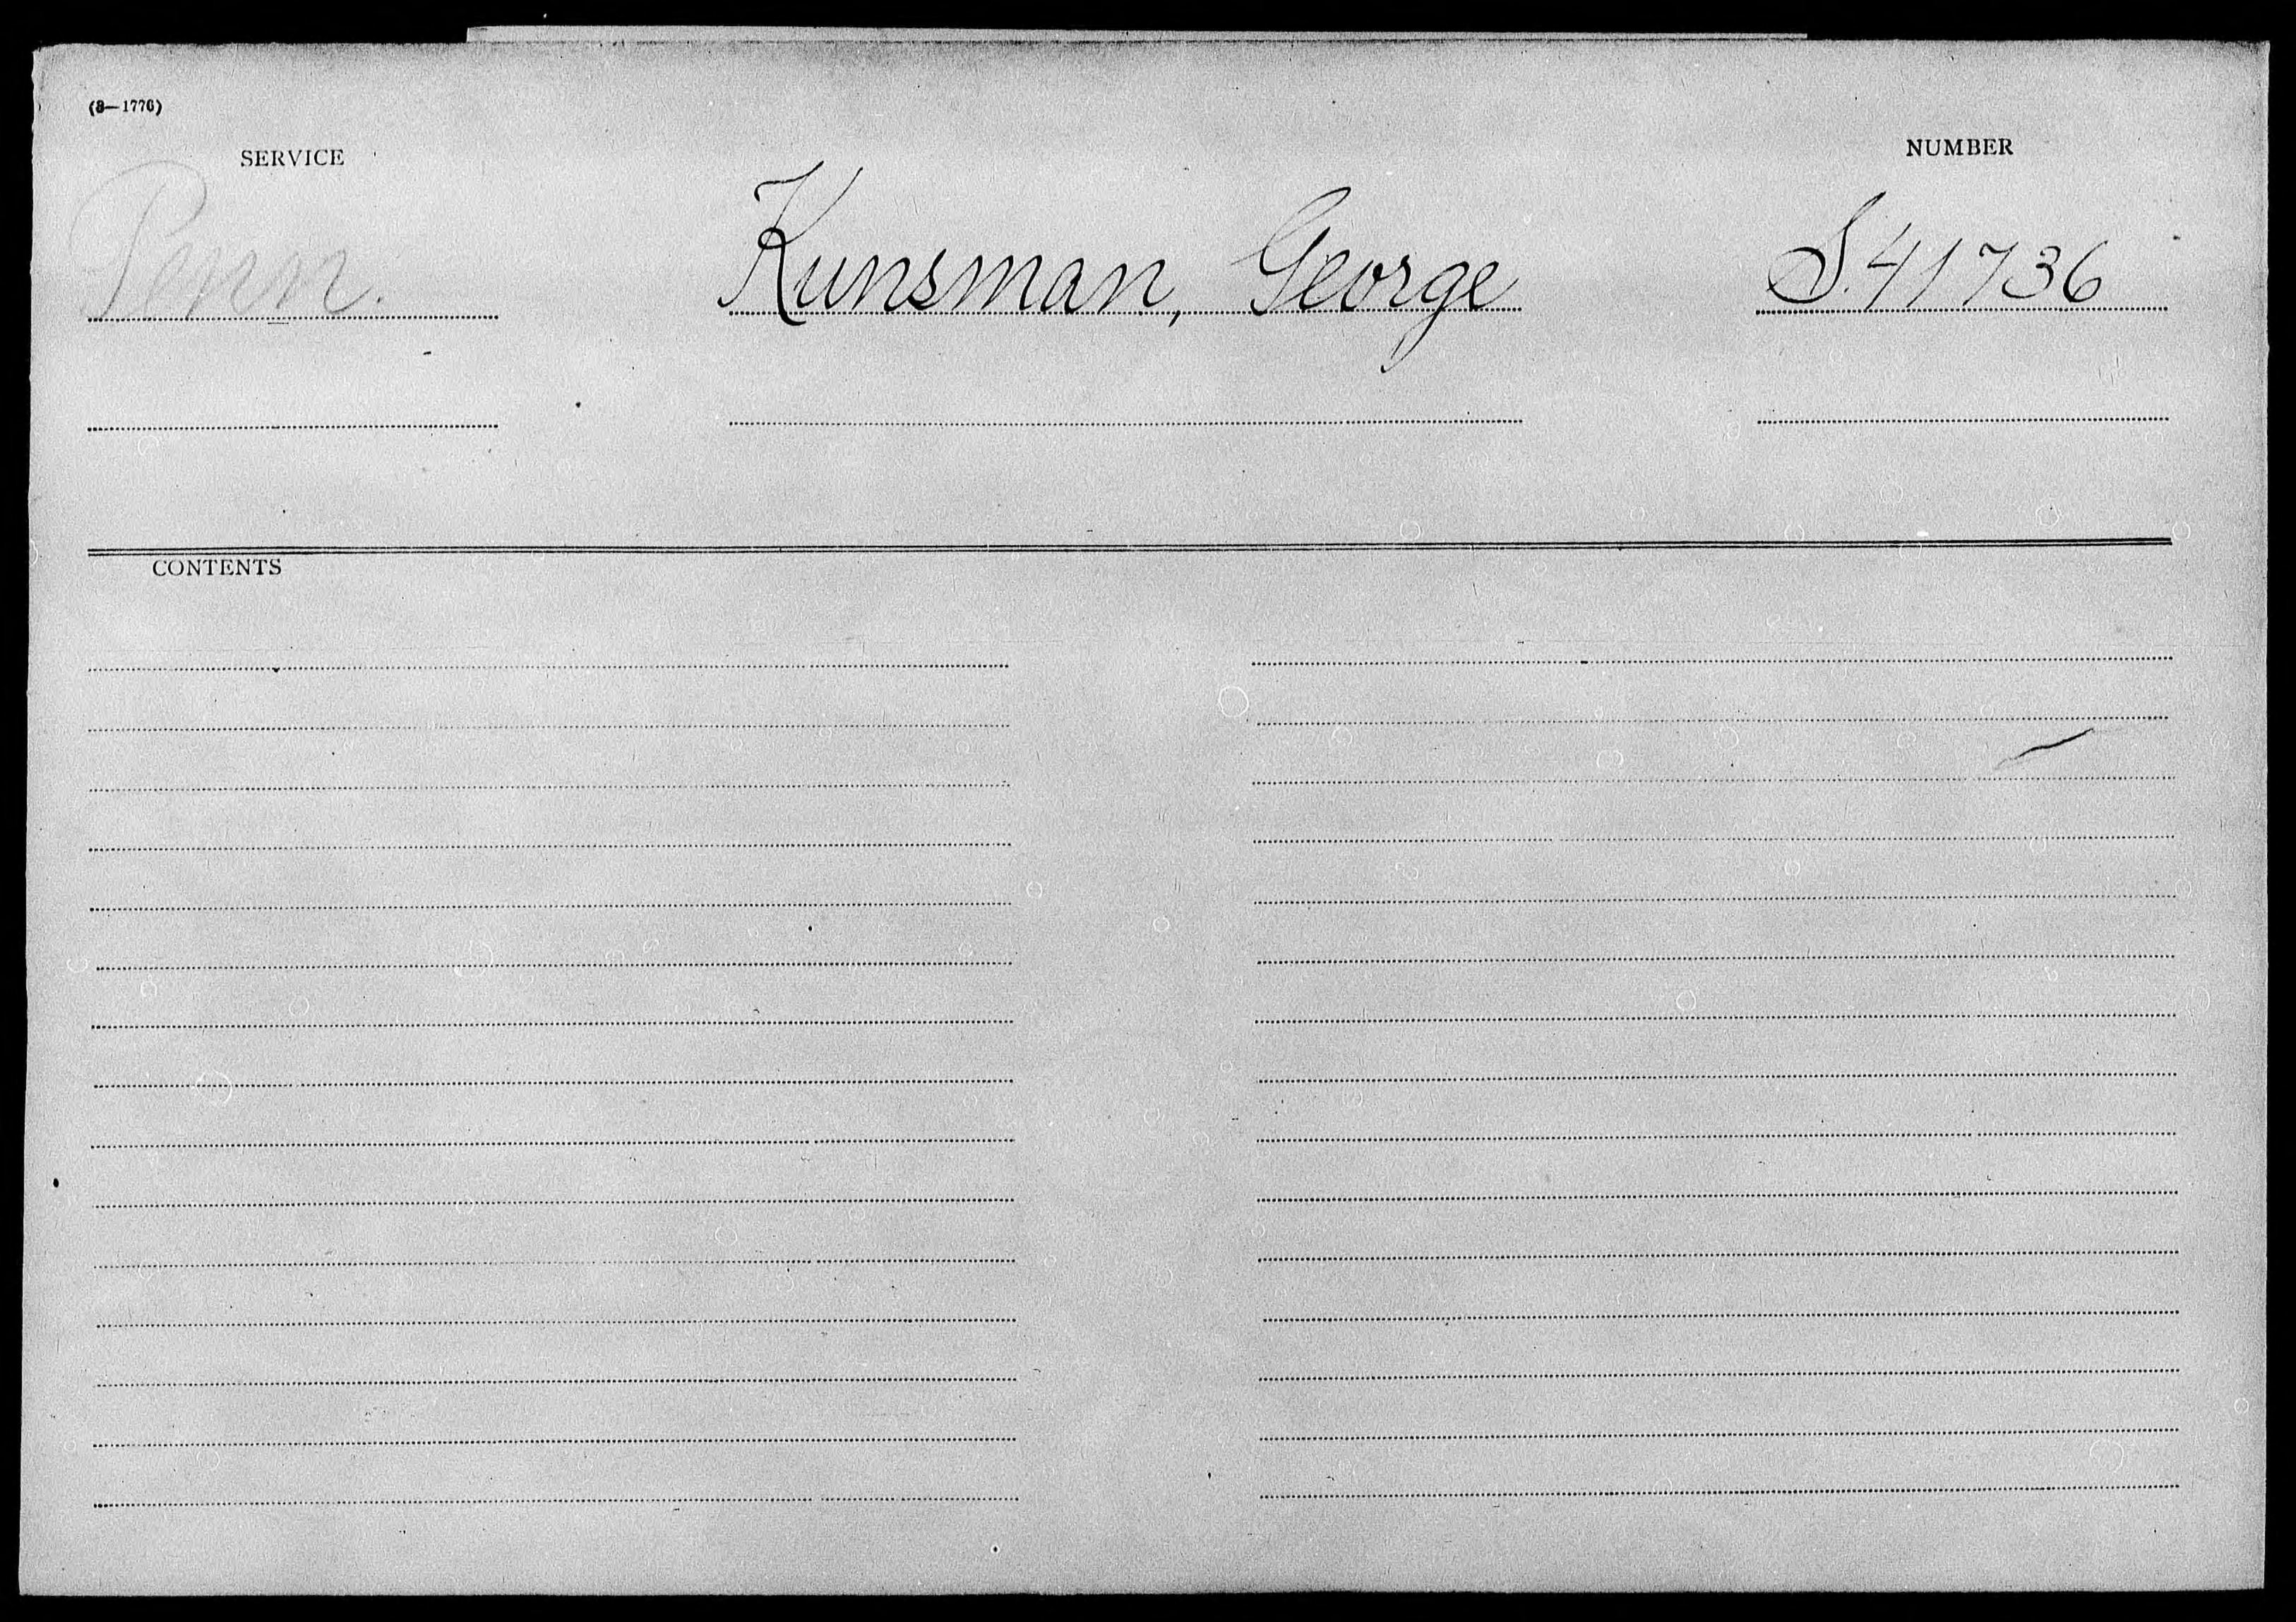(3-1776)

SERVICE
Penn.

Kunsman, George

NUMBER
S. 41736

CONTENTS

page: 1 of 23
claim: survivor's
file: S. 41736, for George Kunsman, Pennsylvania